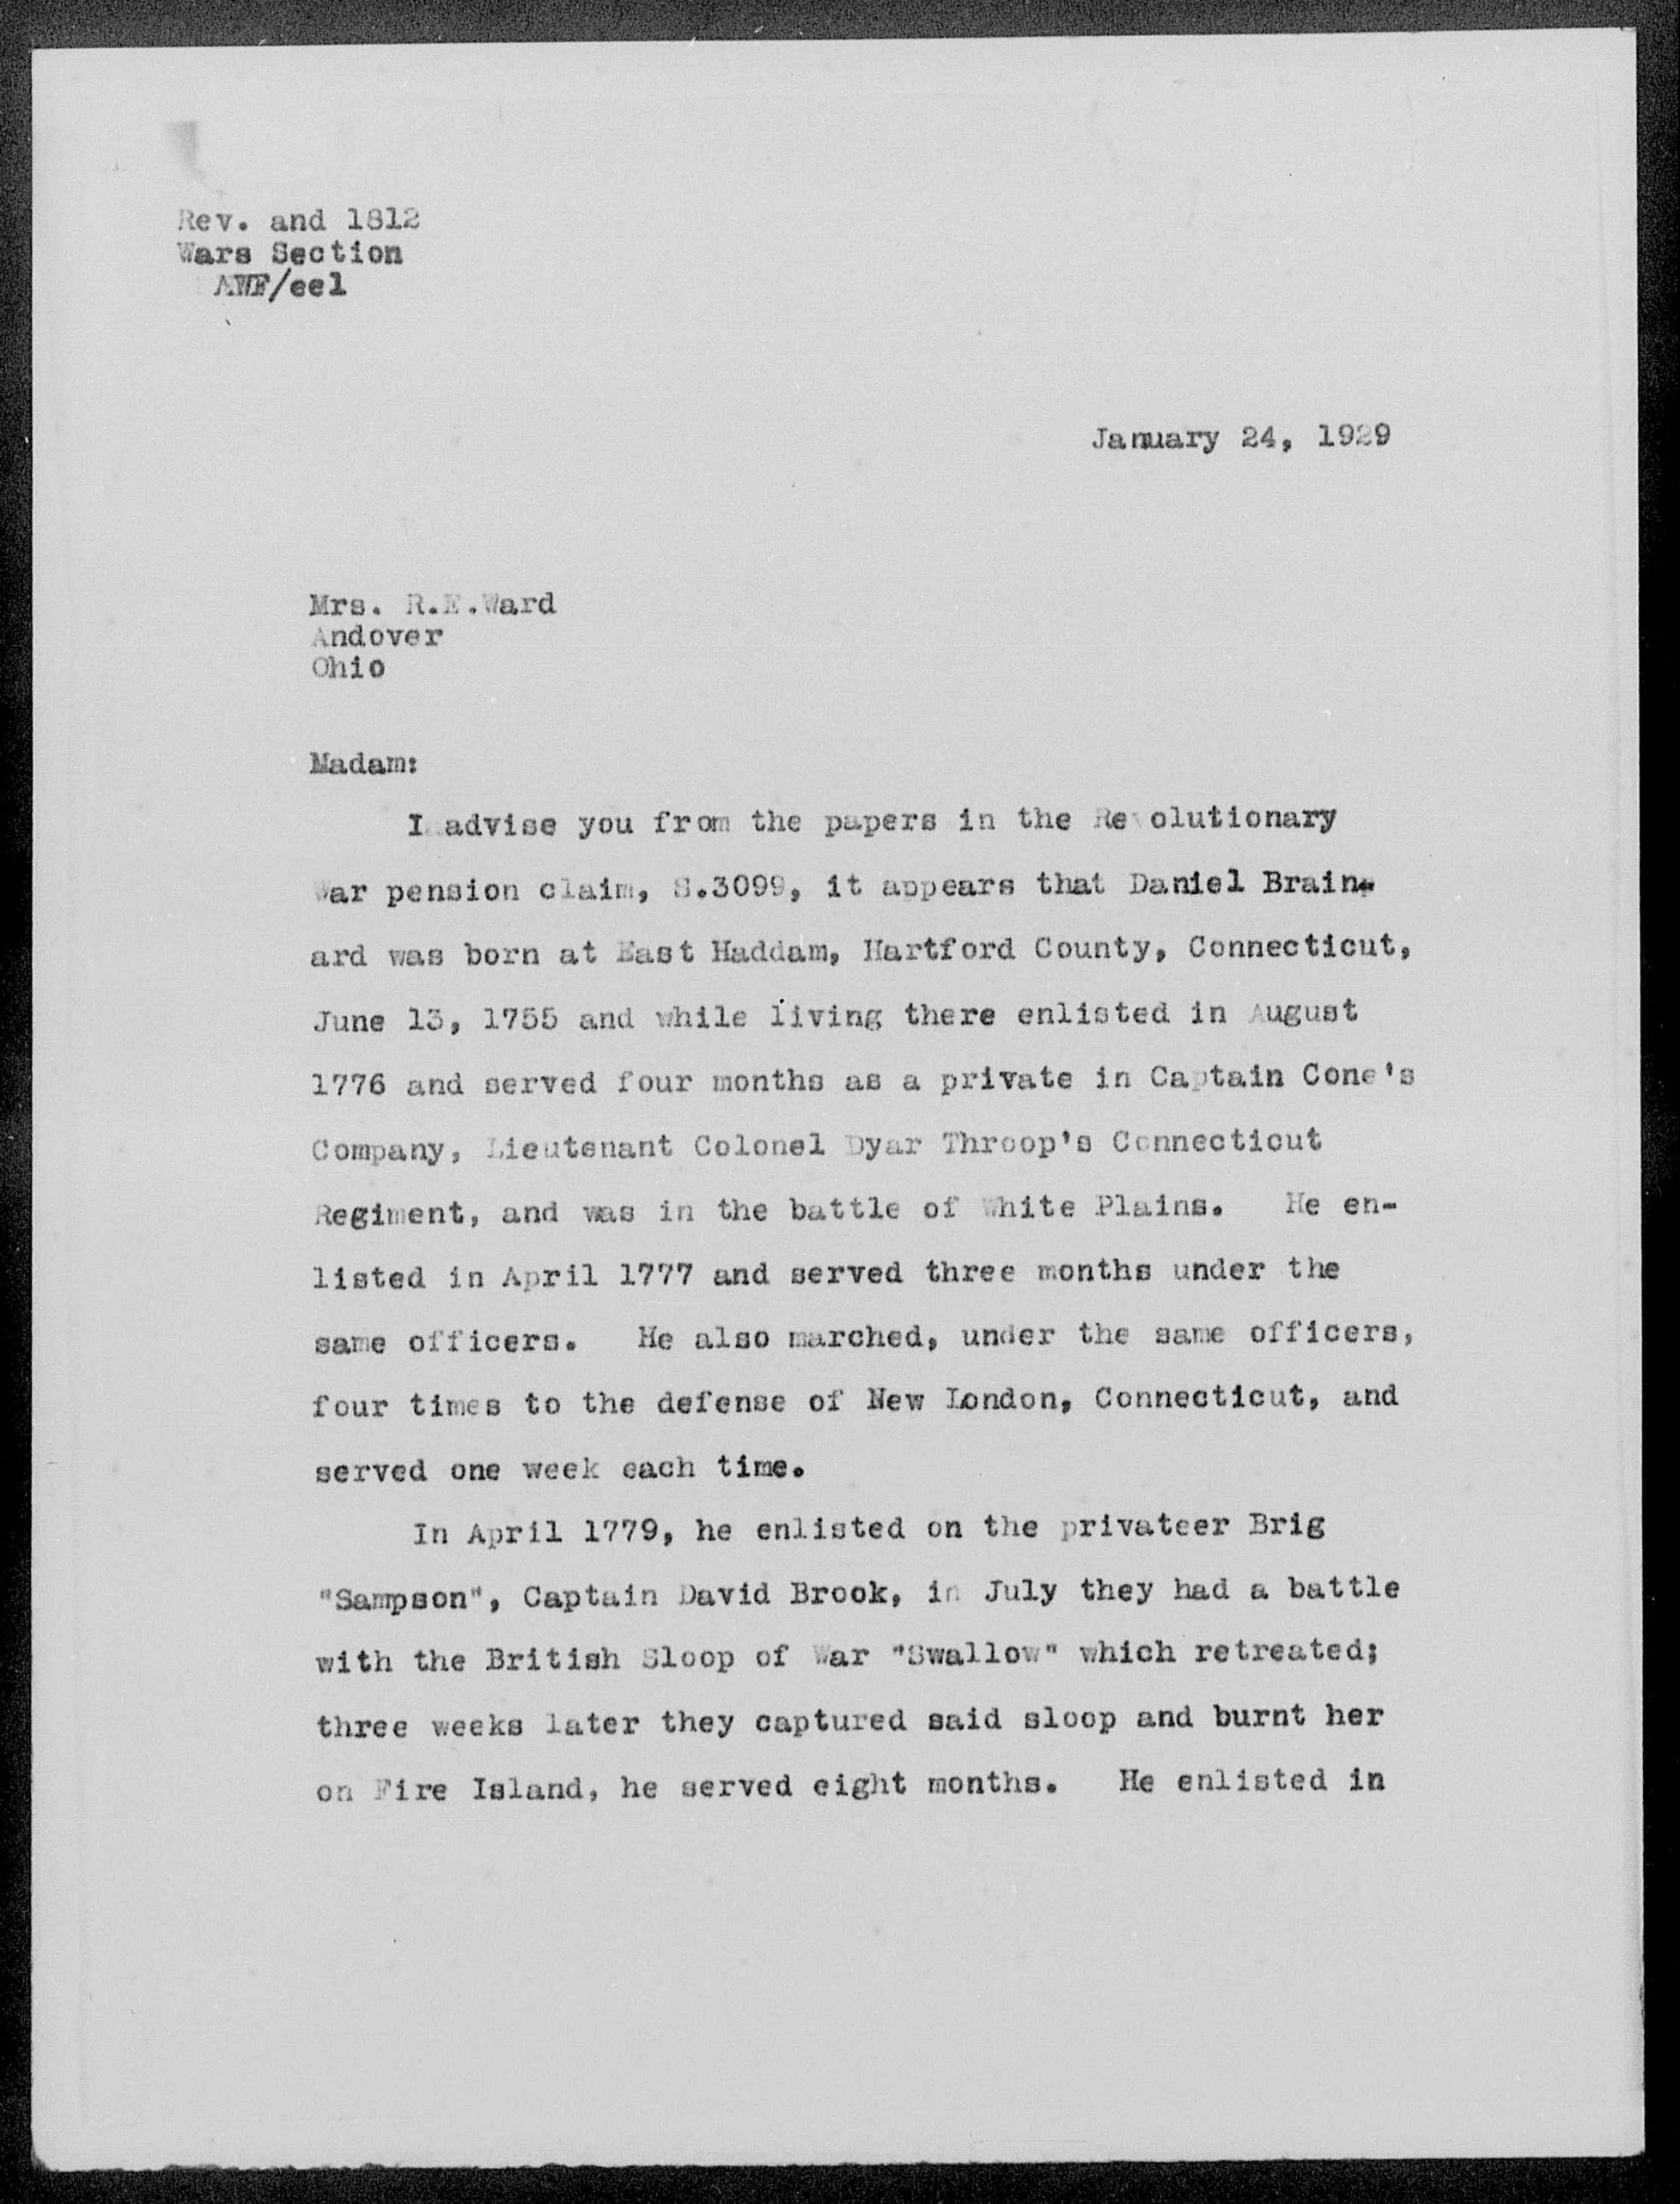Rev. and 1812 Wars Section
AWF/eel

January 24, 1929

Mrs. R. E. Ward
Andover
Ohio

Madam:
I advise you from the papers in the Revolutionary War pension claim, S. 3099, it appears that Daniel Brainard was born at East Haddam, Hartford County, Connecticut, June 13, 1755, and while living there enlisted in August 1776 and served four months as a private in Captain Cone's Company, Lieutenant Colonel Dyar Throop's Connecticut Regiment, and was in the battle of White Plains. He enlisted in April 1777 and served three months under the same officers. He also marched, under the same officers, four times to the defense of New London, Connecticut, and served one week each time.

In April 1779, he enlisted on the privateer Brig "Sampson", Captain David Brook, in July they has a battle with the British Sloop of War "Swallow" which retreated; three weeks later they captured said sloop and burnt her on Fire Island, he served eight months. He enlisted in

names: David Brook, Daniel Brainard, R E Ward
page: 12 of 30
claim: survivor's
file: S. 3099, Daniel Brainard, Conn. Privateer